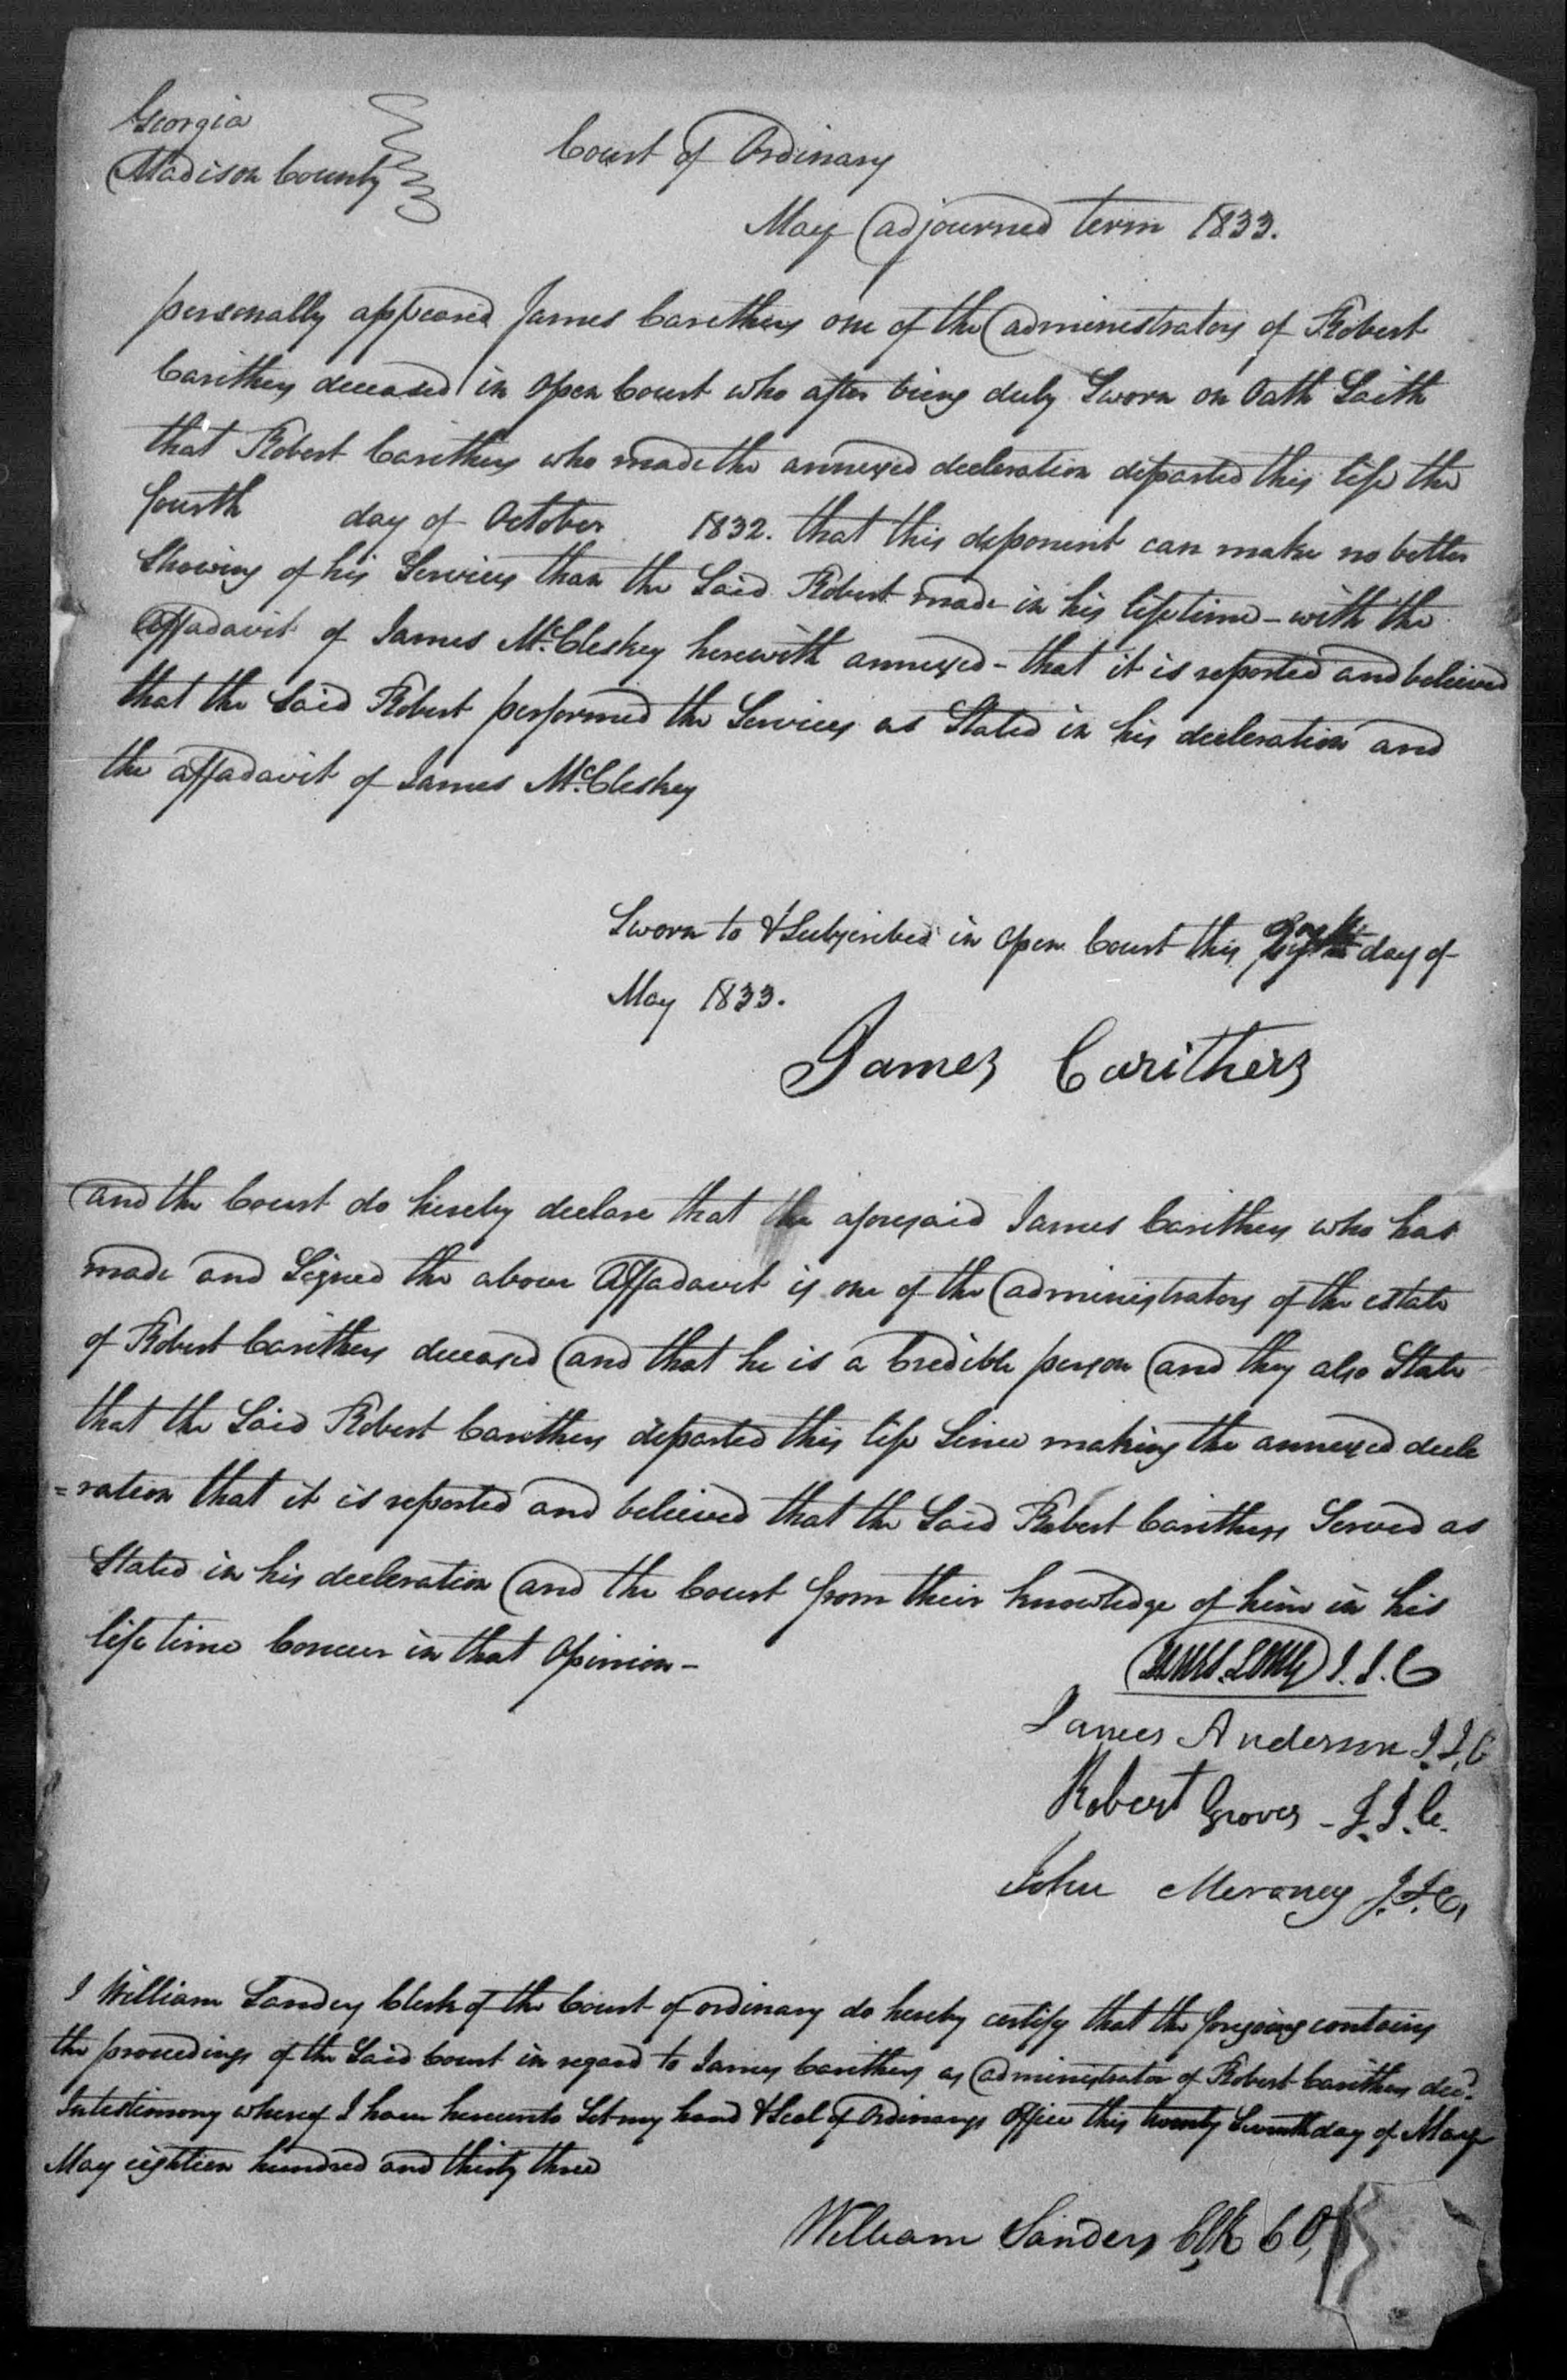[ Georgia Madison County ] Court of Ordinary  May adjourned term 1833.  personally appeared James Carithers one of the administrators of Robert Carithers  deceased in open Court who after being duly sworn on oath saith that Robert Carithers who made the annexed declaration  departed this life  the fourth day of October 1832. that this deponent can make no better  showing of his services that the said Robert made in his lifetime - with the affidavit of James Mc Clesky  herewith annexed - that it is reported and believed that the said Robert performed the services as  stated in his declaration and the affidavit of James Mc Clesky.  Sworn to & subscribed in open Court  this 27th day of May 1833.  James Carithers ( signed )  and the said Court do hereby declare that the aforesaid James Carithers who has made and signed the above affidavit  is one of the  administrators of the estate of Robert Carithers deceased and that he is a credible person and they also state that the said Robert Carithers departed this life  time making the annexed declaration that is it reported and believed that the said Robert Carithers  served as stated in his declaration and the Court  from their knowledge of him  in his lifetime concur in that opinion.  James Long (?) ( signed ) J.I.C. James Anderson ( signed ) J.I.C. Robert Grover ( signed ) J.I.C.  John Meroney ( signed ) J.I.C.    I William Sanders Clerk of the Court of Ordinary do hereby certify that the foregoing contains the proceedings of the said Court in regard to James Carithers as administrator of  Robert Carithers dec'd . In testimony whereof I have  hereunto set my hand  & seal of ... ( illegible ) office this twenty seventh day of May  eighteen hundred and thirty three. William Sanders ( signed / sealed ) Clk  C O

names: Robert Carithers, Robert, James Mc Cleskey, Robert Carithers, William Sanders, Robert, John Meroney, James Carithers, James Carithers, James Anderson, James Carithers, Robert Carithers, James Mc Cleskey, Robert Groves, James Carithers, William Sanders, James Long, Robert Carithers, Robert Carithers, Robert Carithers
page: 33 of 33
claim: widow's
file: W. 23779, Robert Carithers, S.C.